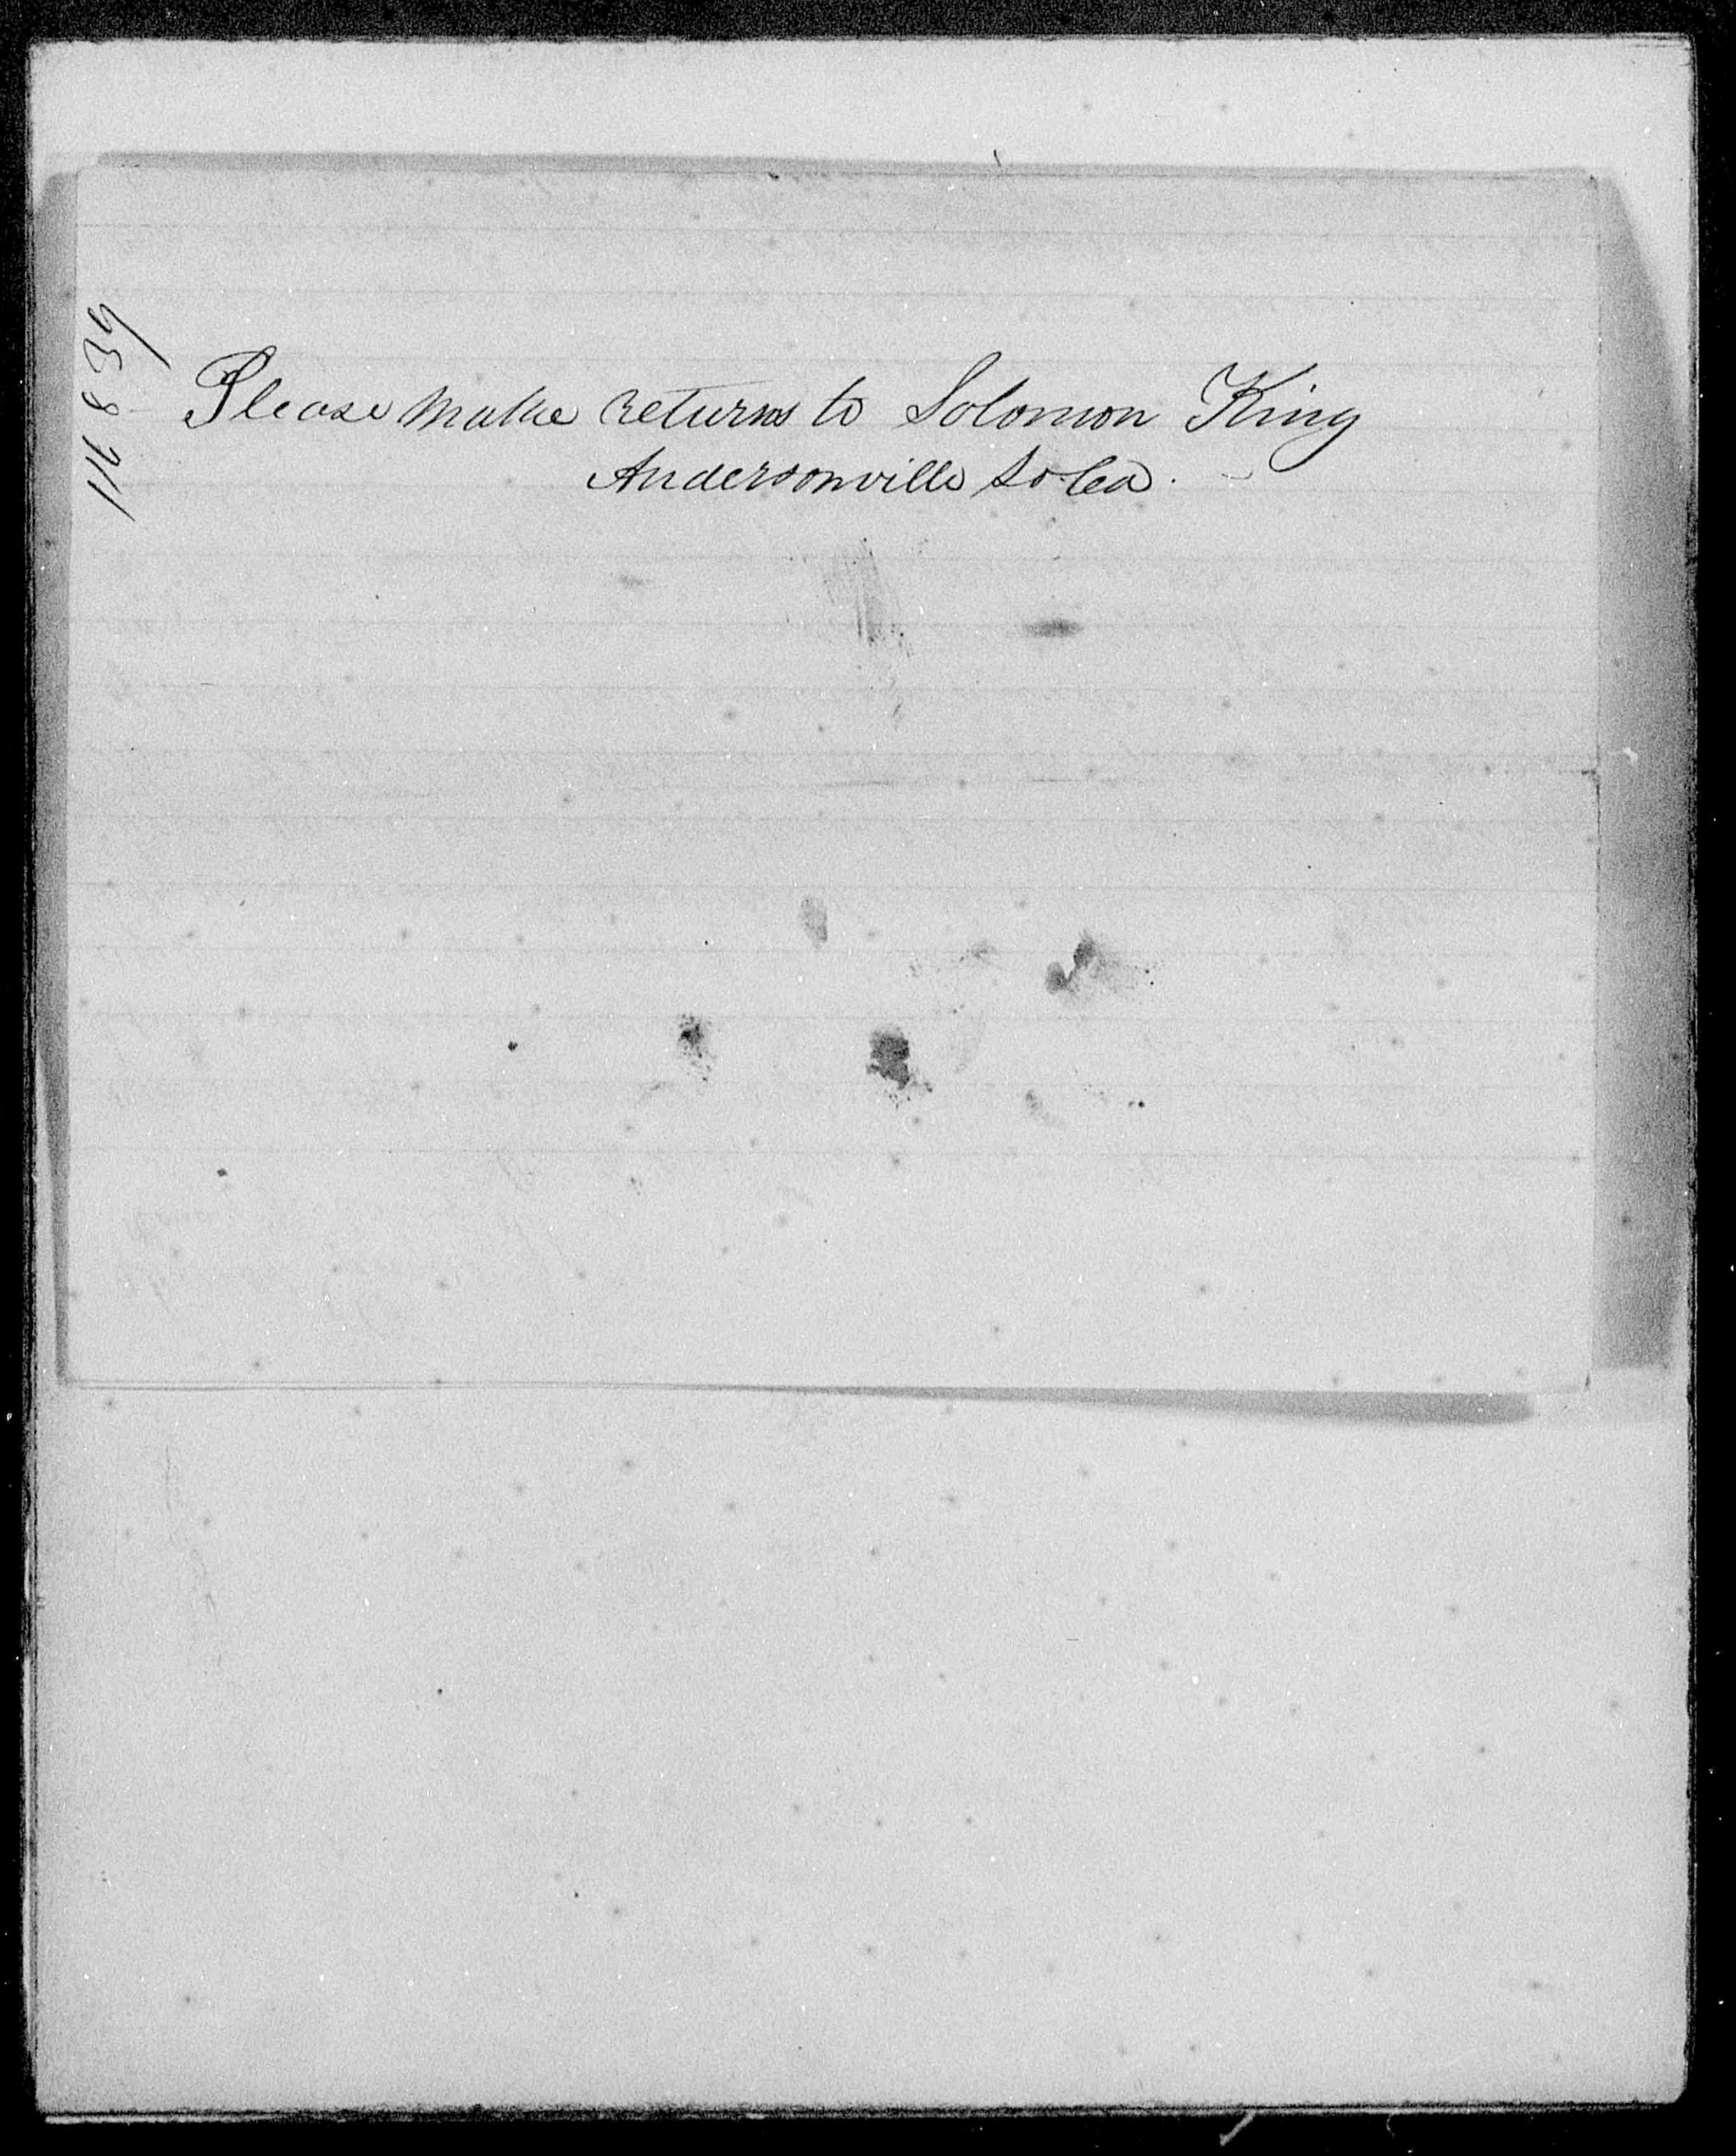116839

Please make return to Solomon King 
Andersonville SoGa.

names: Solomon King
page: 11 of 51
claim: widow's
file: W. 929, William Glover, N.C.